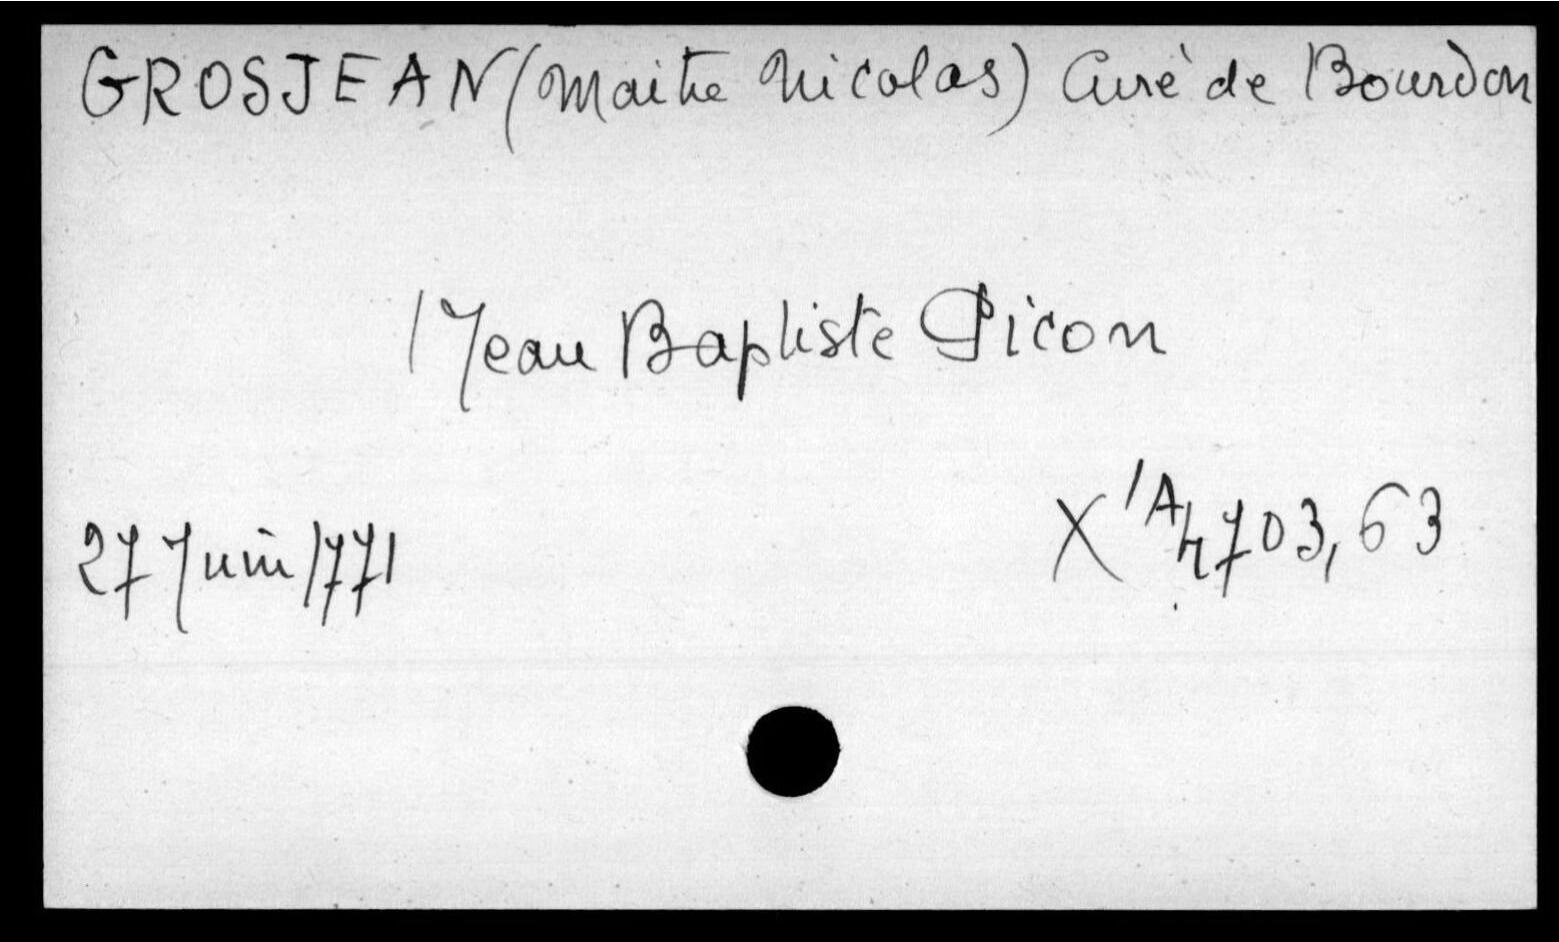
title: GROSJEAN (Maître Nicolas), curé de Bourdon
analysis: Contre Jean-Baptiste Picon
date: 27 juin 1771
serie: X1A
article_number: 4703
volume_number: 63
